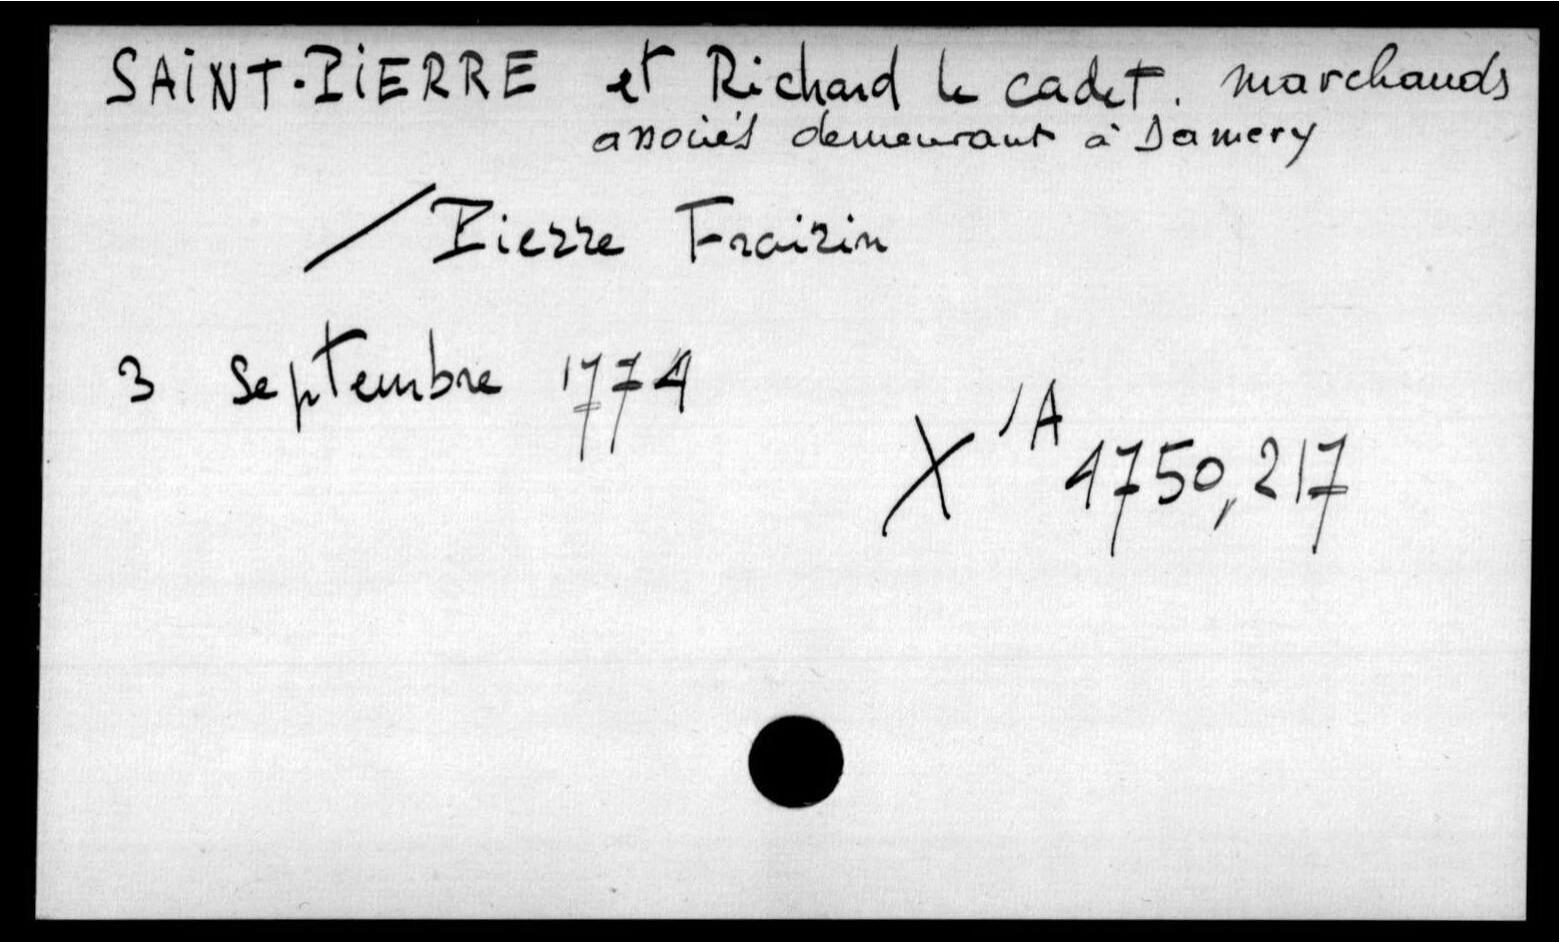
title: SAINT-PIERRE et Richard le cadet, marchands associés demeurant à Damery
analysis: Contre Pierre Fraizin
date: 3 septembre 1774
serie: X1A
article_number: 4750
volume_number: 217
